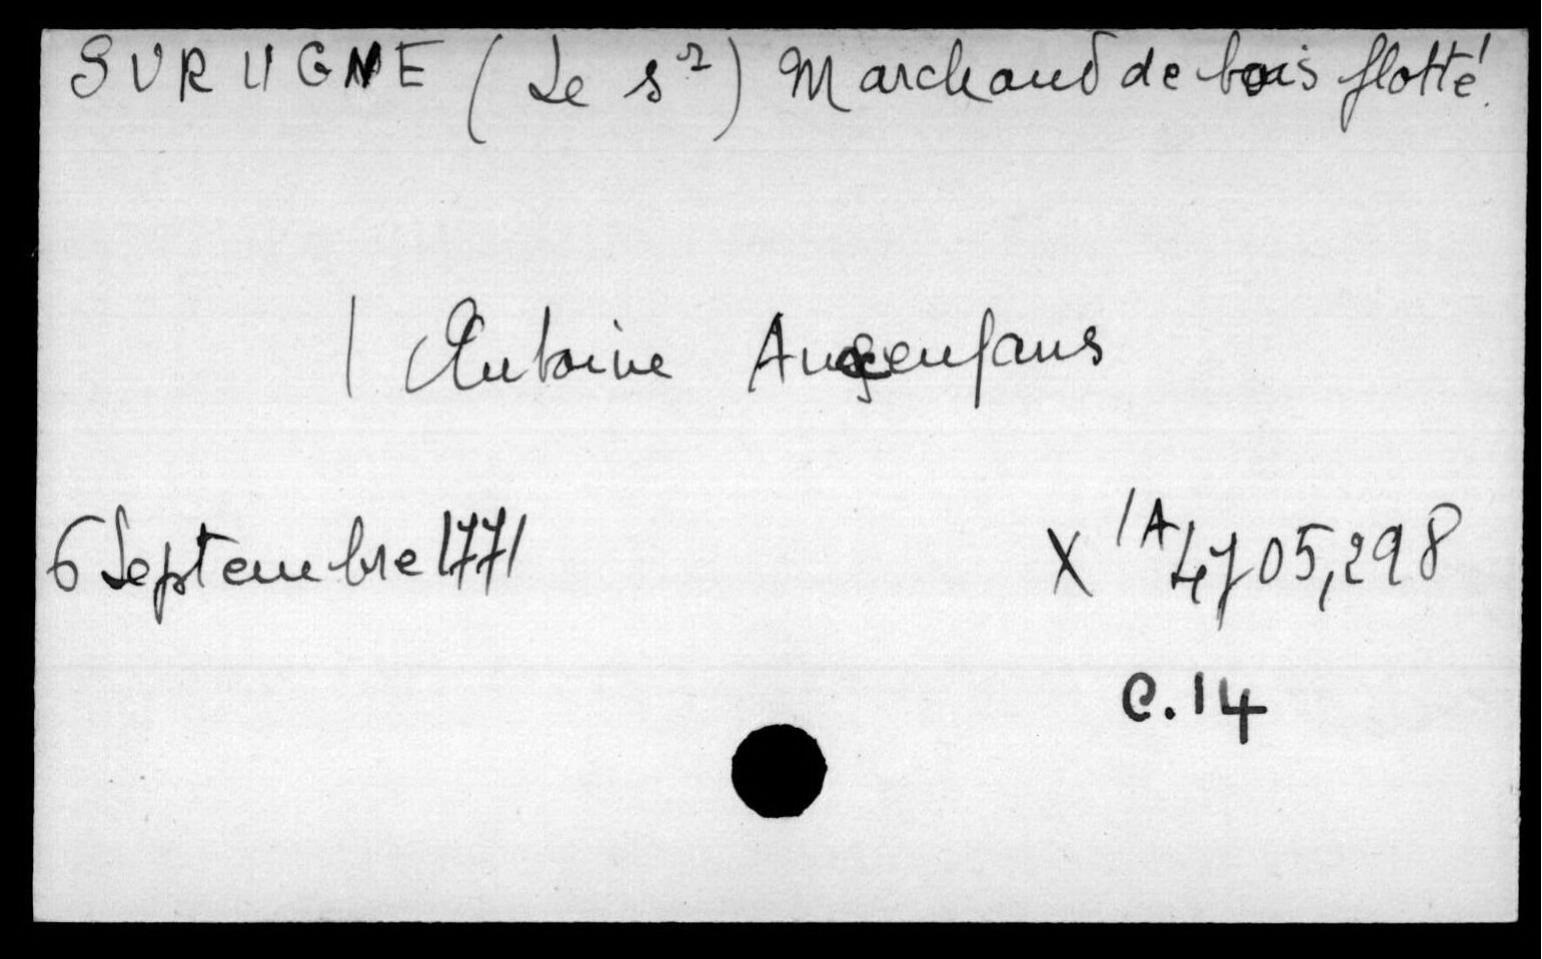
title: SURUGNE (Le sieur) Marchand de bois flotté
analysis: Contre Antoine Auxenfans
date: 6 septembre 1771
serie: X1A
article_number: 4705
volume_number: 298 Conseil, 14
